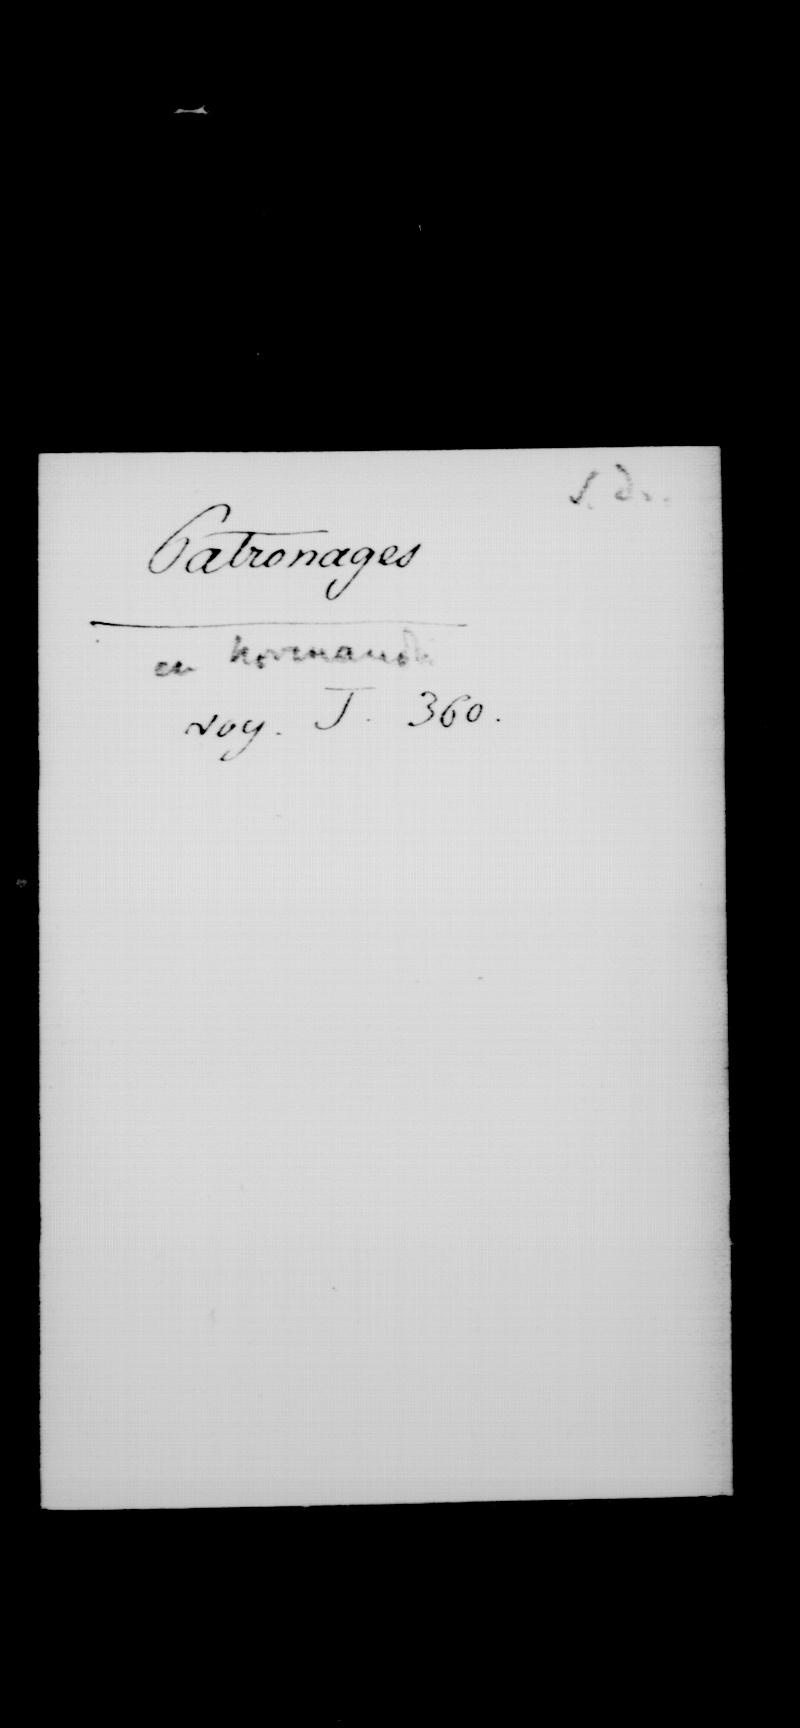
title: Patronages
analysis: en Normandie
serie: J
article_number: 360
